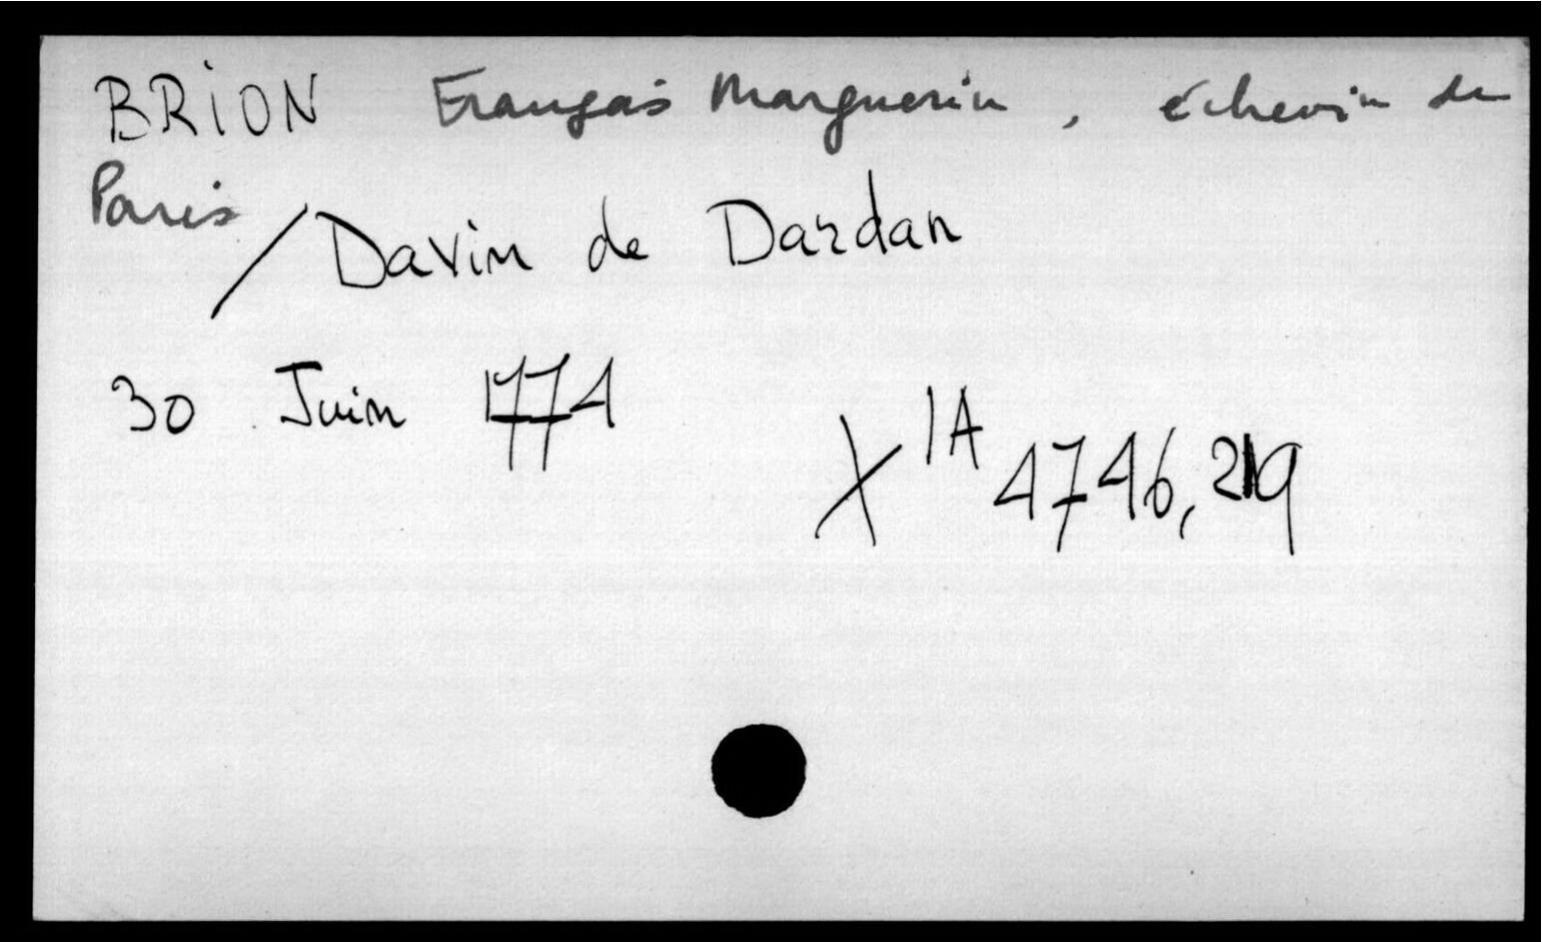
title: BRION François Marguerin, échevin de Paris
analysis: Contre Davin de Dardan
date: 30 juin 1774
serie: X1A
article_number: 4746
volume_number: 219
